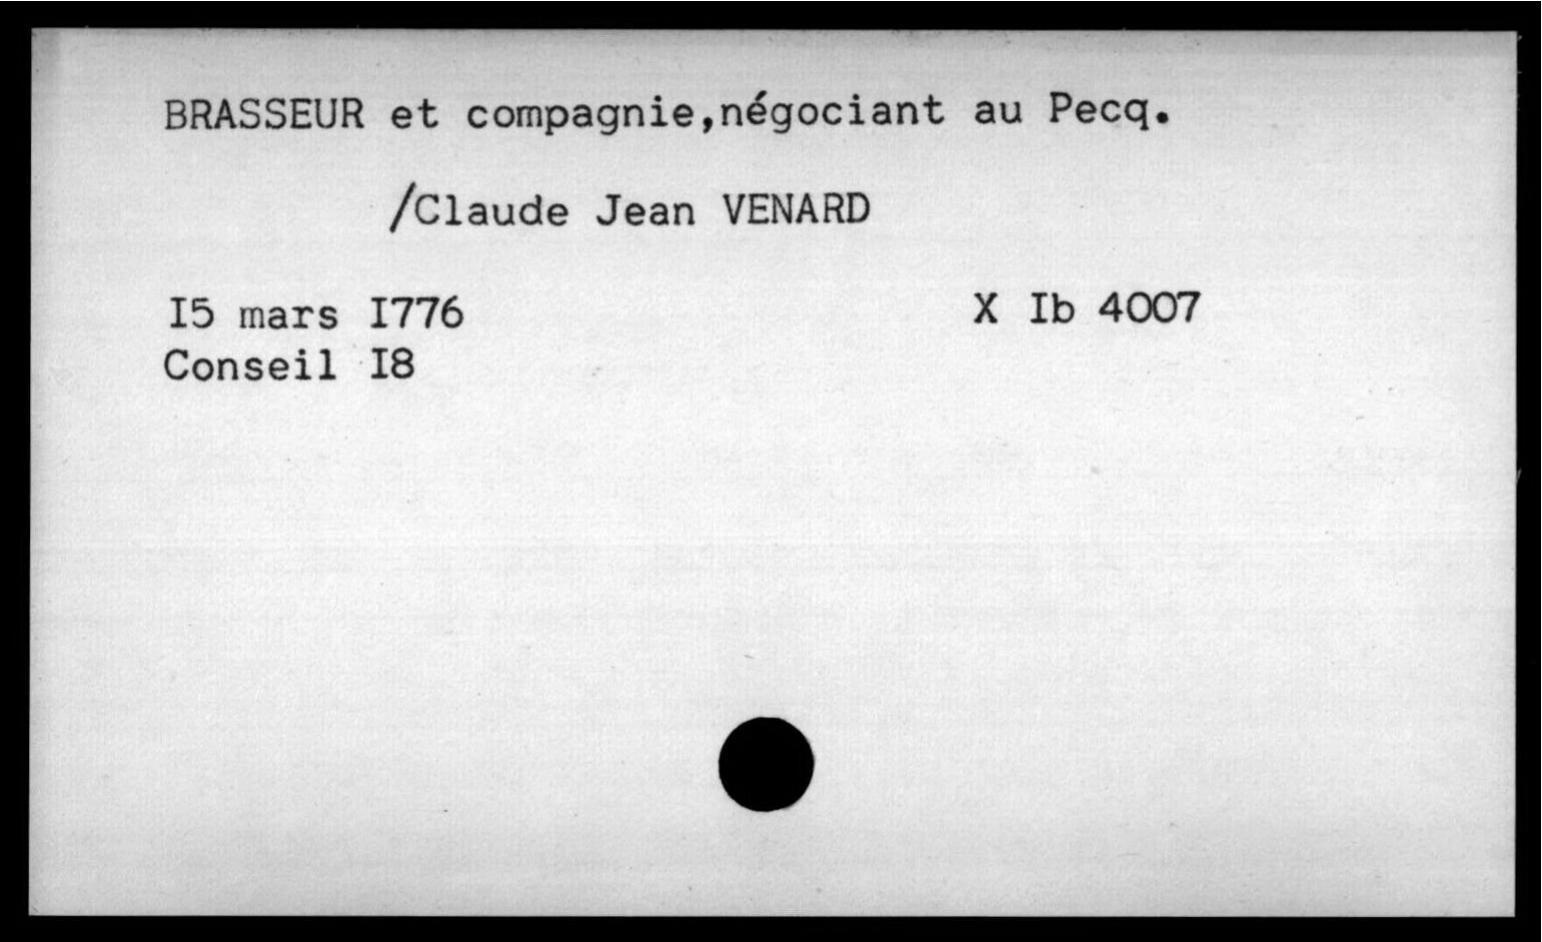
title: BRASSEUR et compagnie, négociant au Pecq.
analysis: Contre Claude Jean VENARD
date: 15 mars 1776
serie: X1b
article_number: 4007
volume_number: Conseil 18
